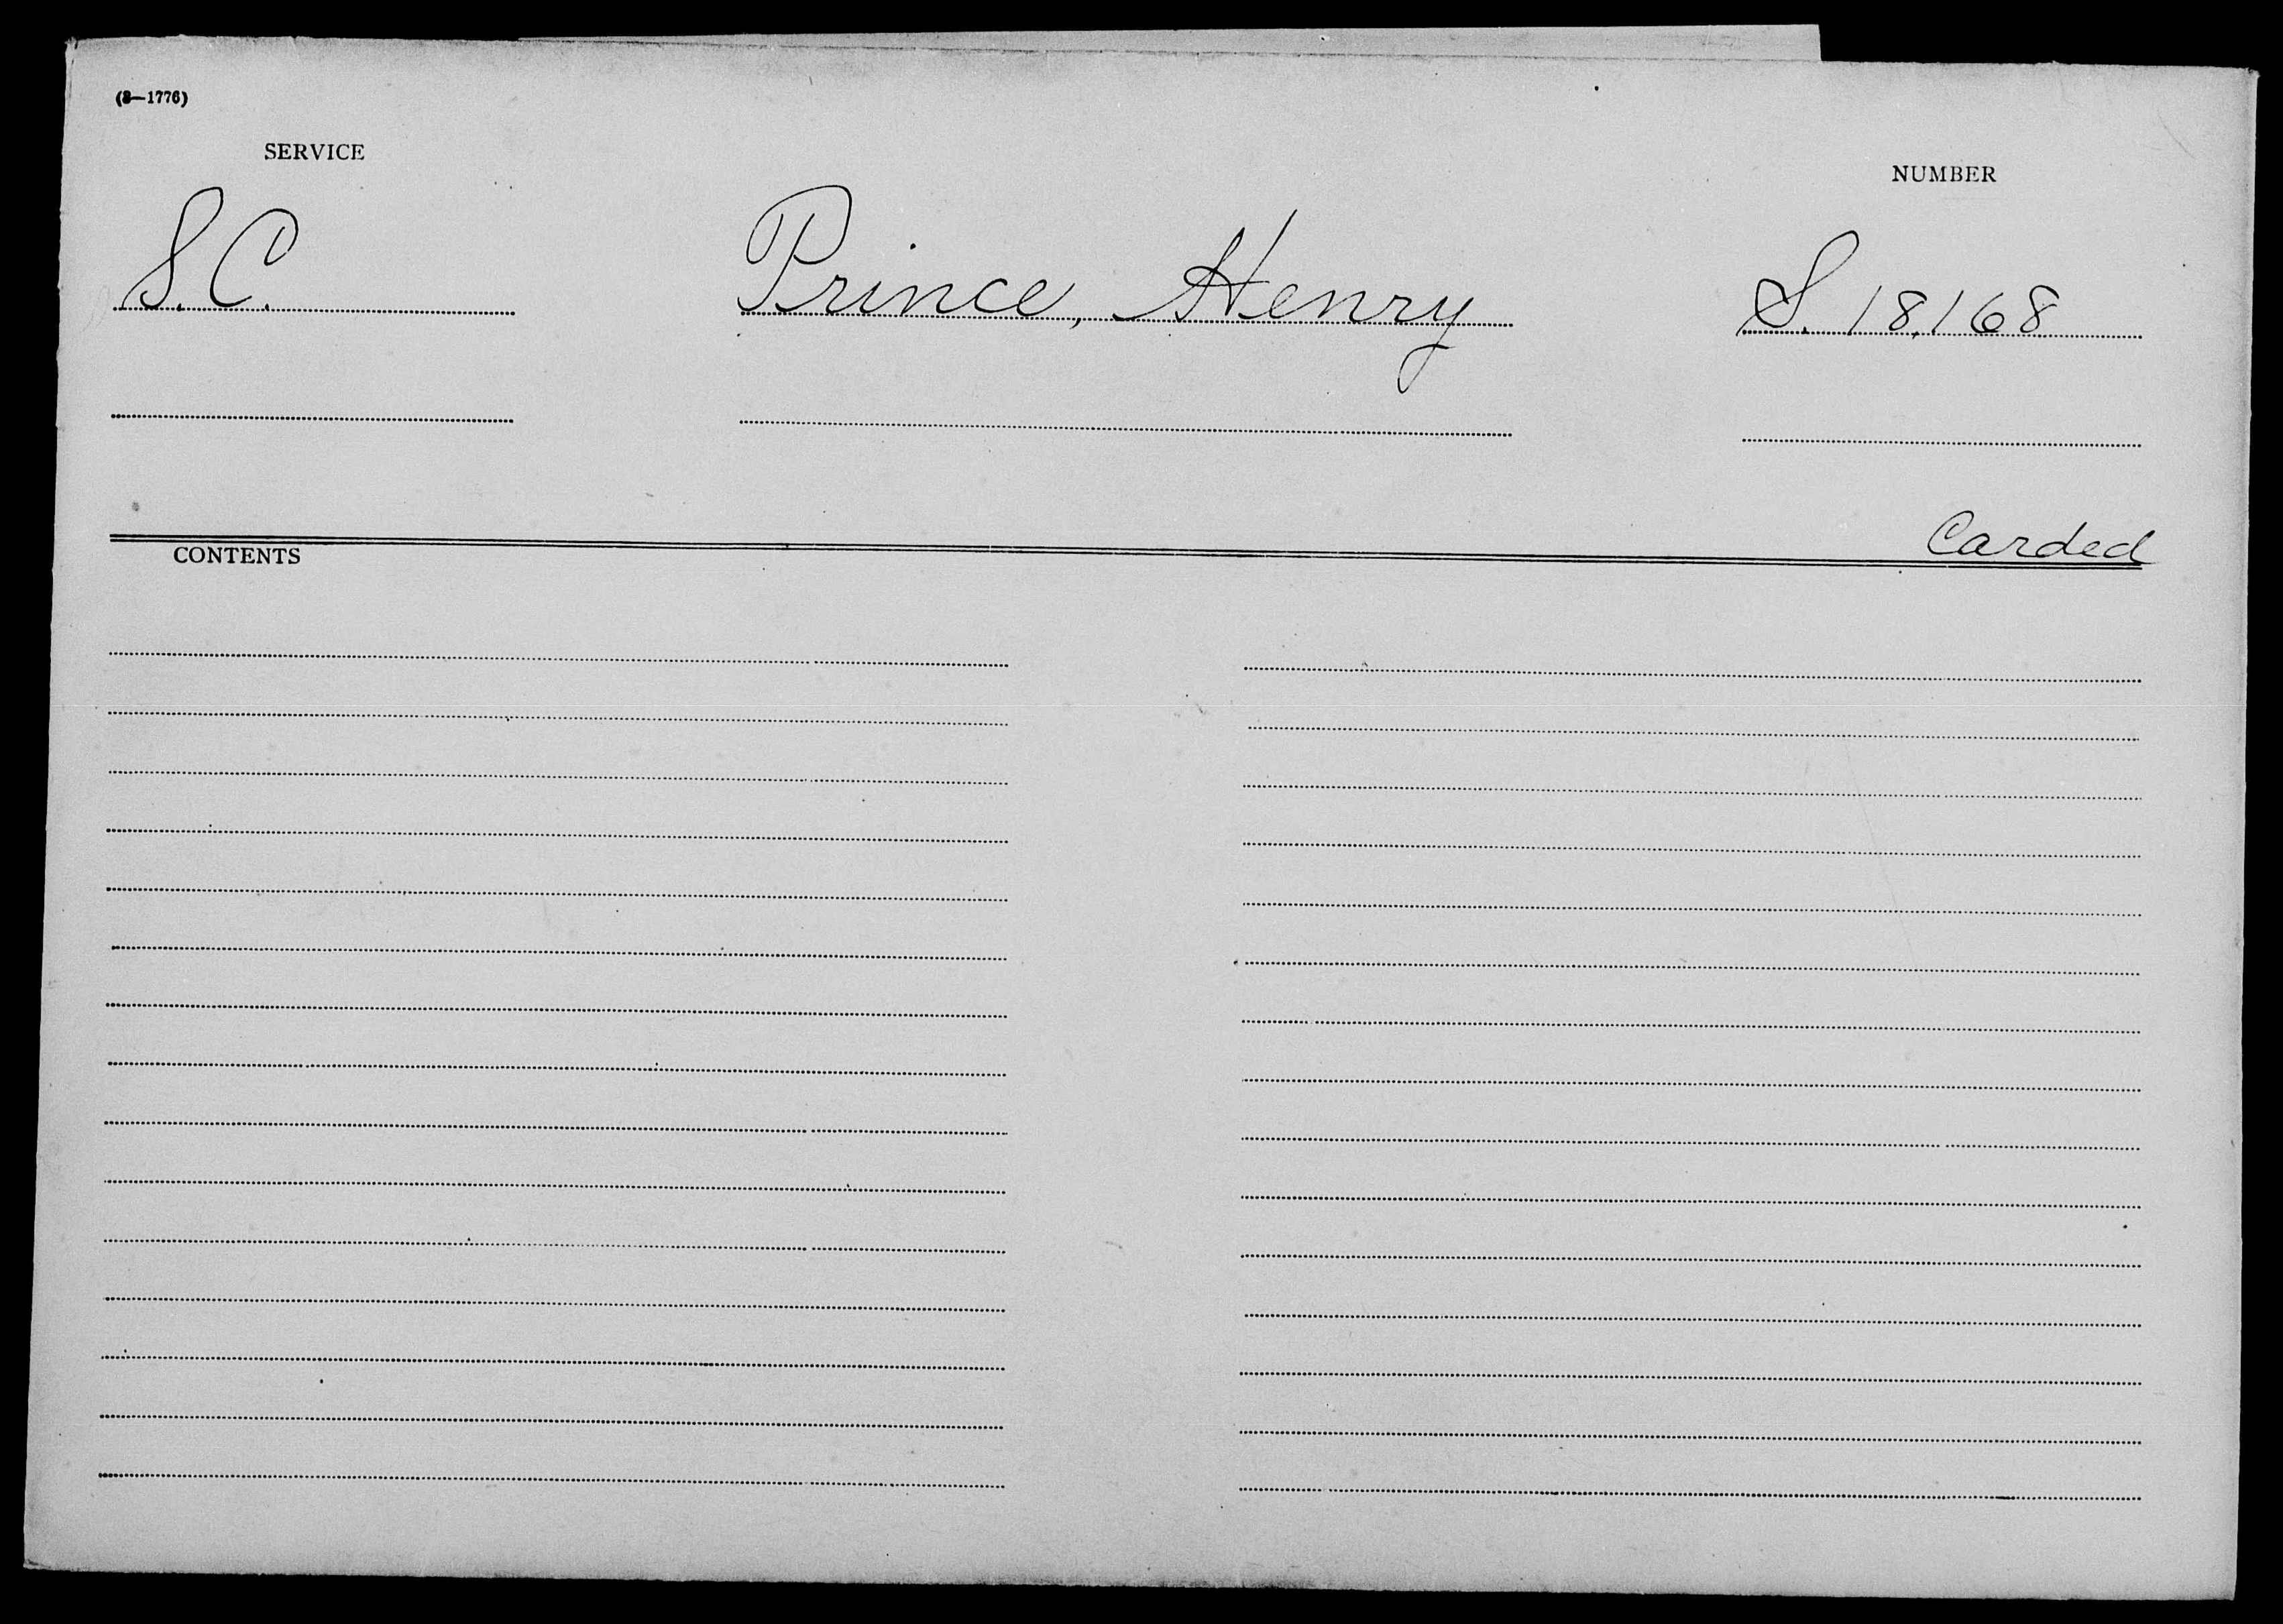S.C. Prince, Henry S. 18.168

Carded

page: 1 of 23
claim: survivor's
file: S. 18,168, for Henry Prince, South Carolina